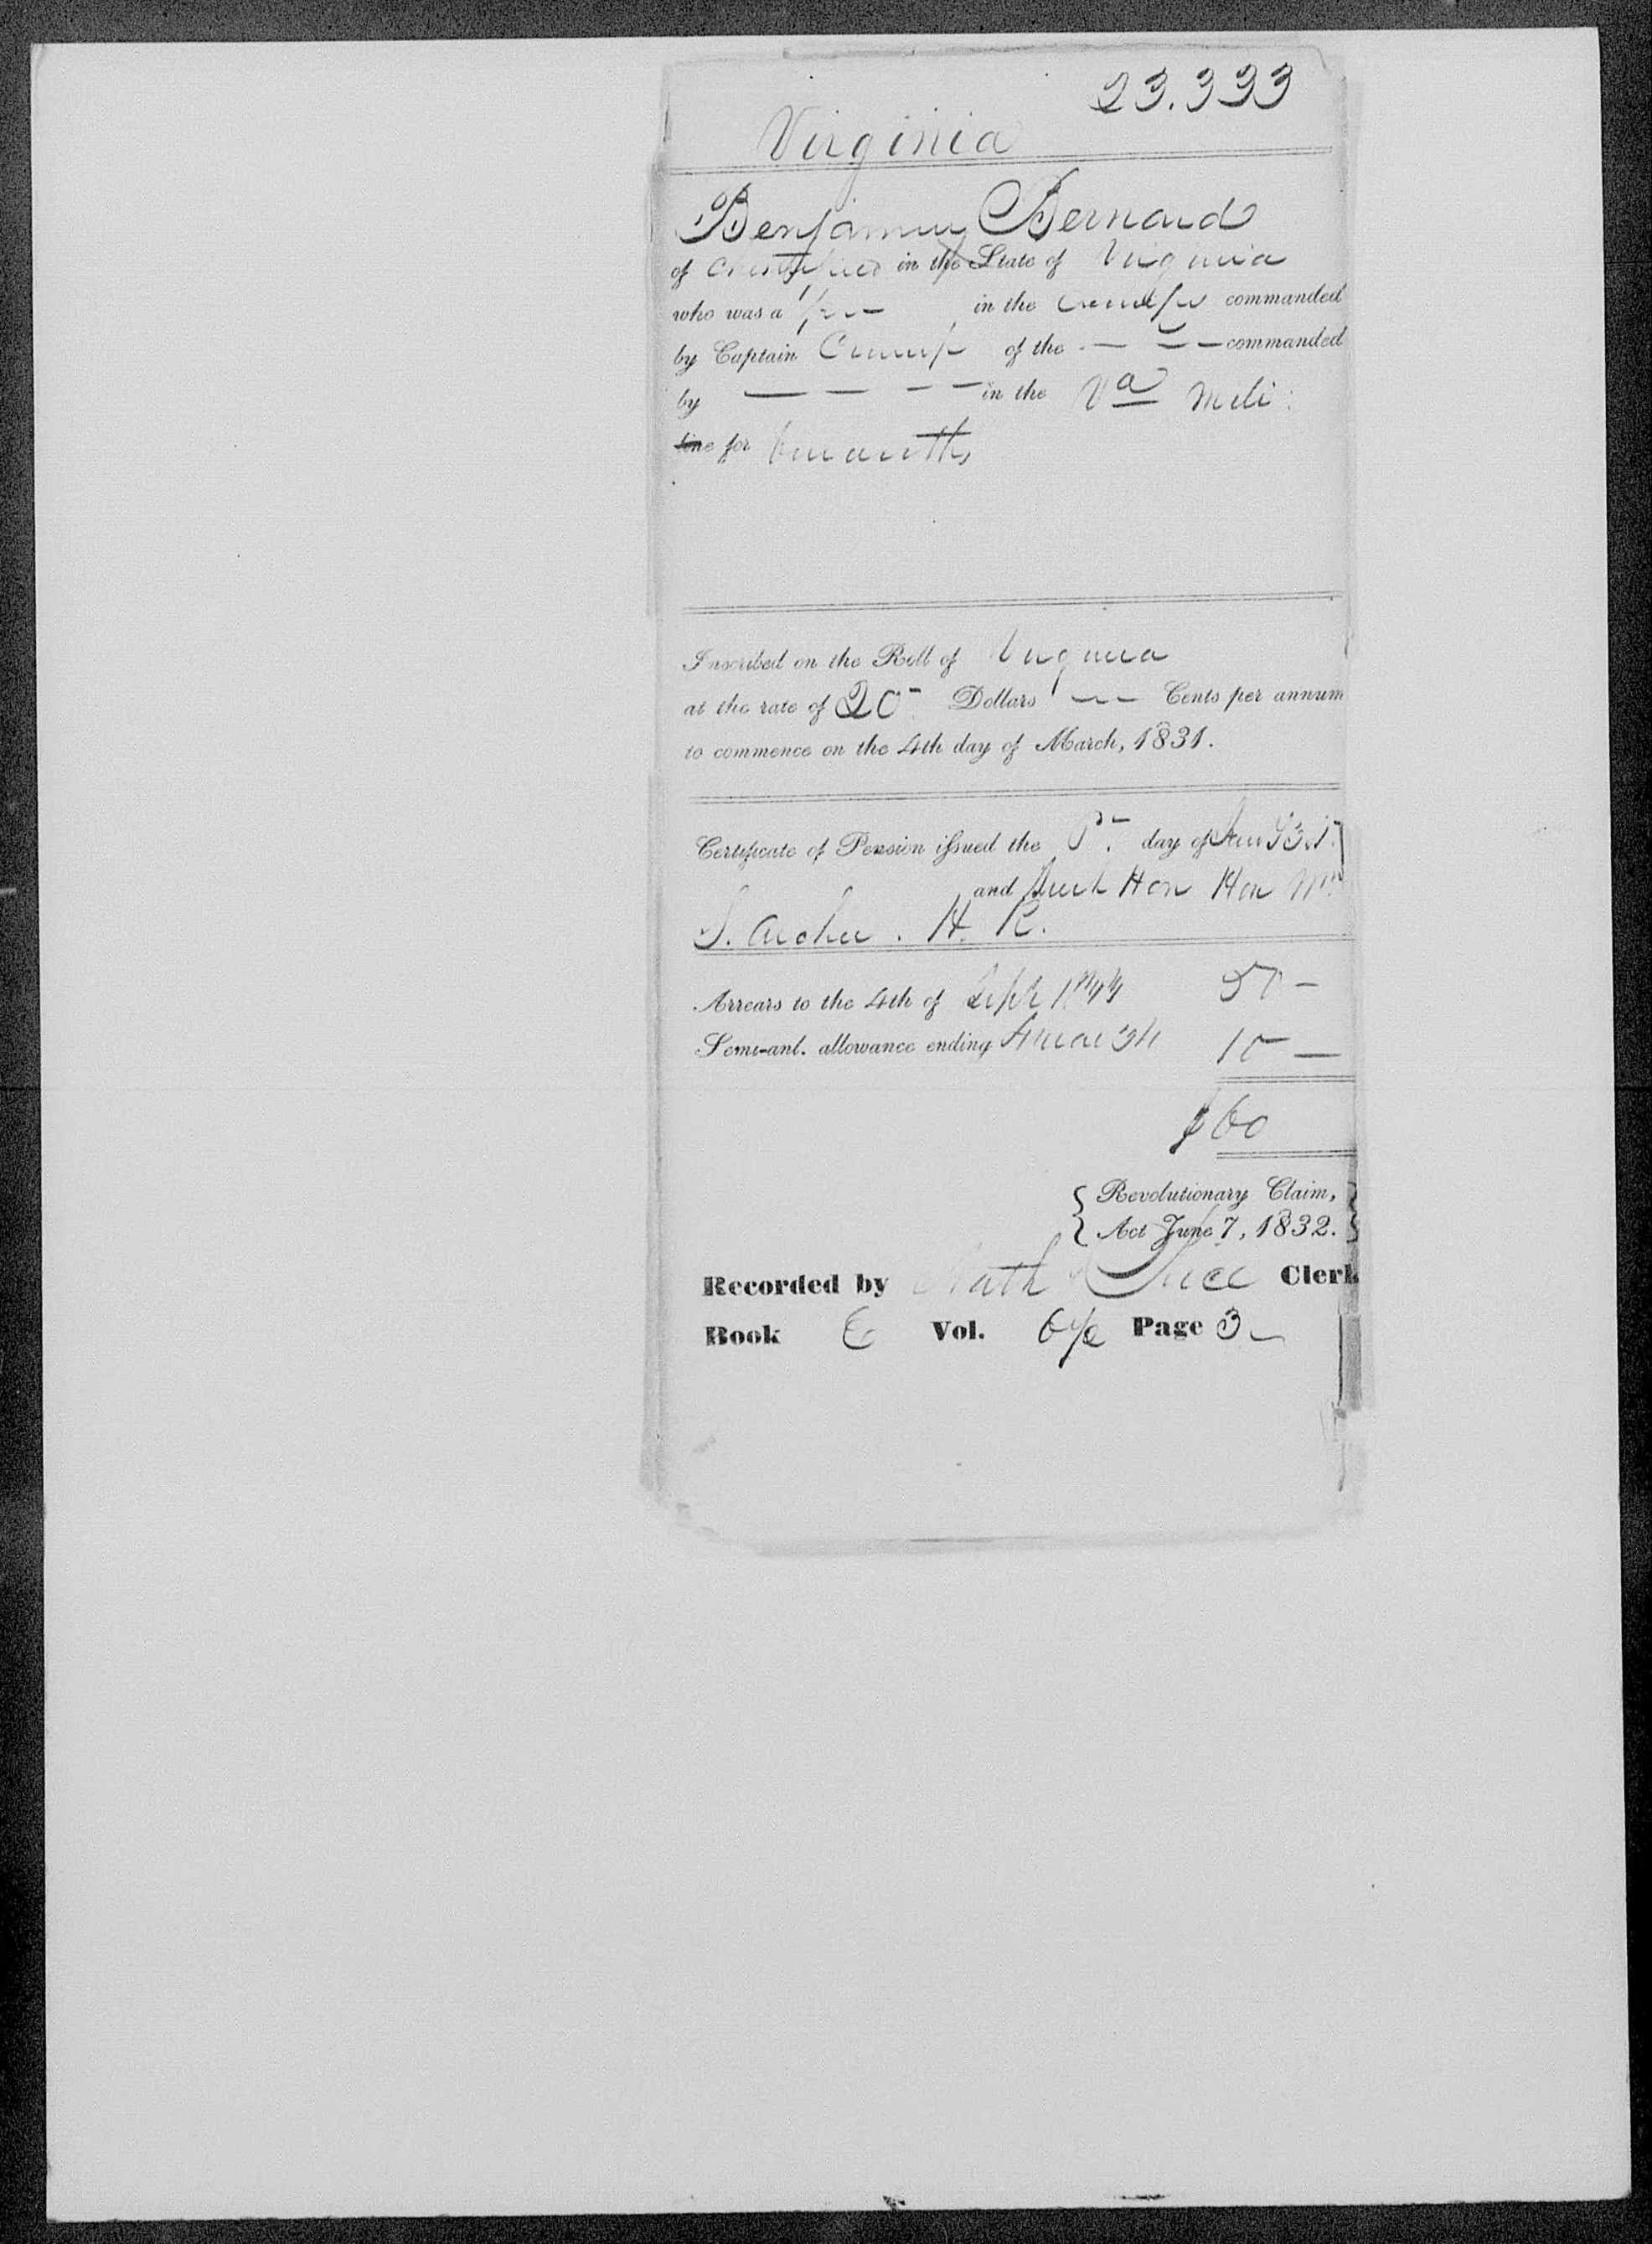Virginia 23.333
Benjamin Bernard of Chesterfield in the State of Virginia who was a Private in the company commanded by Captain Crump of the _____commanded by _____ in the Va Military for _____ months

Inscribed on the Roll of Virginia at the rate of 20- Dollars --Cents per annum to commence on the 4th day of March 1831.

Certificate of Pension issued the (illegible) day of January and sent Hon. Wm. S. Archer H. R.

Arrears to the 4th of Sept. 1833              50-
Semi-anl. allowance ending __March __  10-

                                                               $60

Revolutionary Claim, Act June 7, 1832.

Recorded by Nath Rice Clerk
Book E  Vol. (illegible) Page 3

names: Crump, Wm S Archer, Nath Rice, Benjamin Bernard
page: 2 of 18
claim: survivor's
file: S. 9096, Benjamin Barnard, Va.